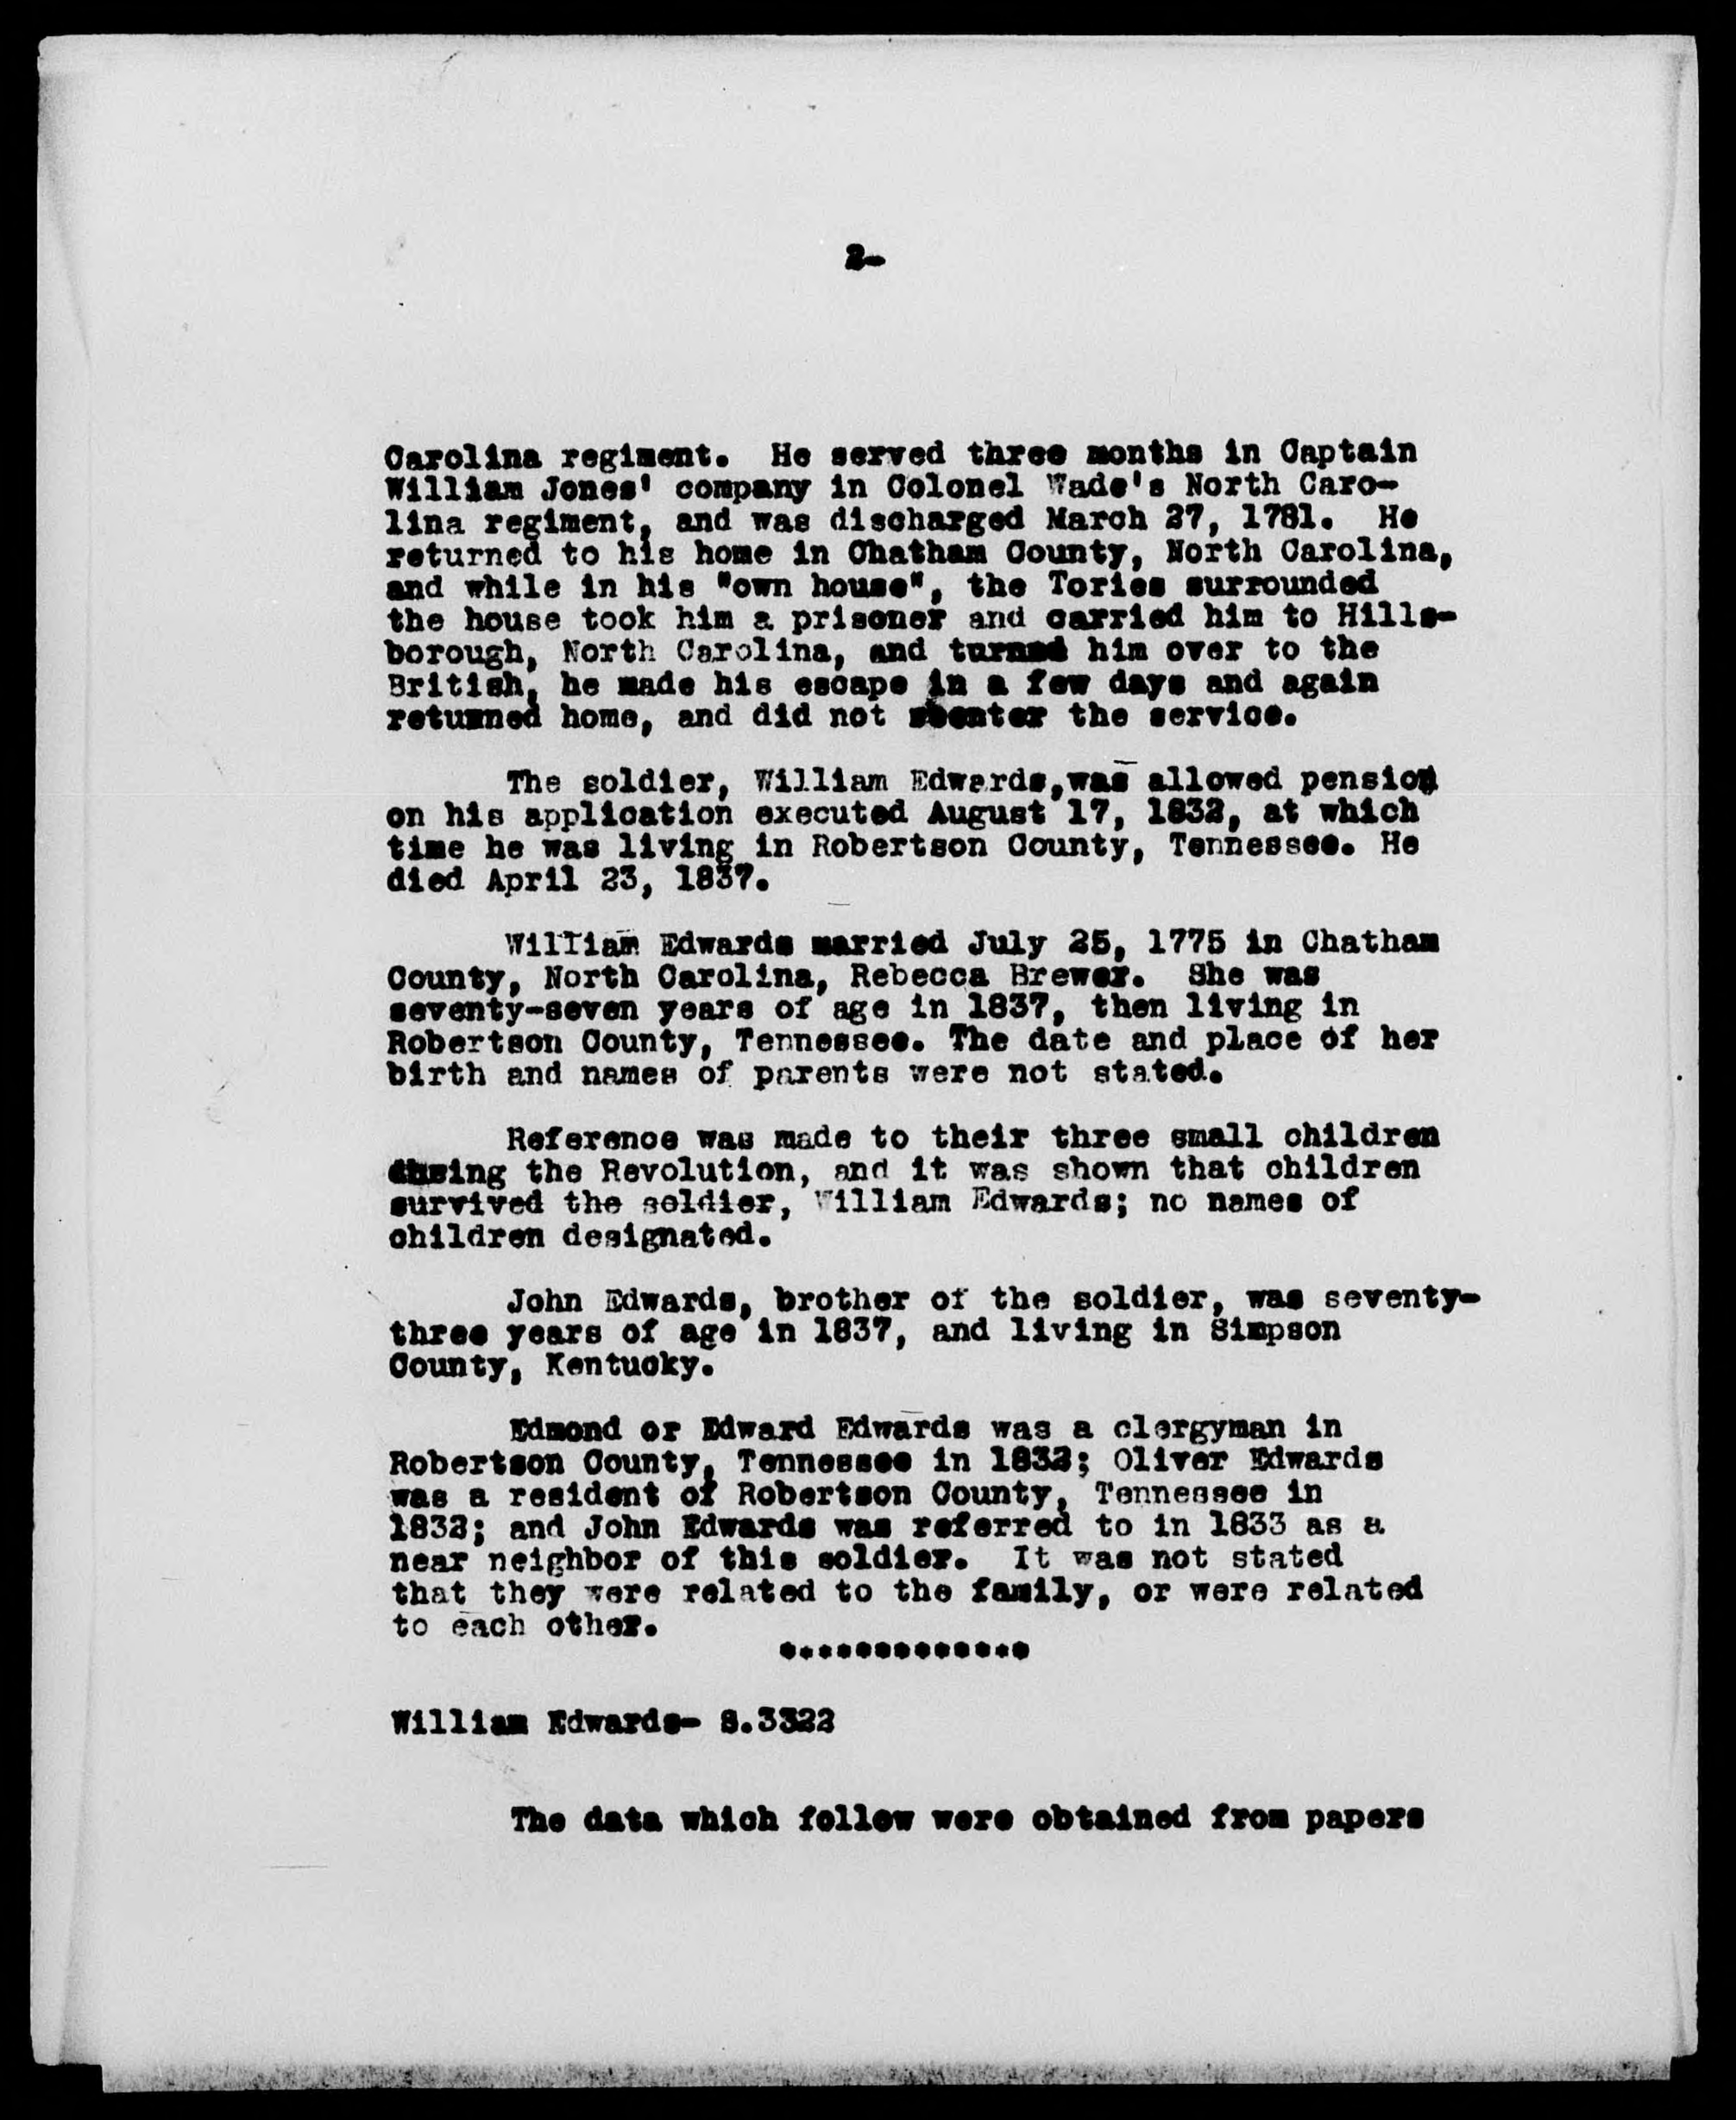2

Carolina regiment. He served three months in Captain William Jones' company in Colonel Wade's North Carolina regiment, and was discharged March 27, 1781. He returned to his home in Chatham County, North Carolina, and while in his "own house" the Tories surrounded the house and took him a prisoner and carried him to Hillsborough, North Carolina, and turned him over to the British, he made is escape in a few days and again returned home, and did not reenter the service.

The soldier William Edwards, was allowed pension on his application executed August 17, 1832, at which time he was living in Robertson County, Tennessee. He died April 23, 1837.

William Edwards married July 25, 1775 in Chatham County, North Carolina, Rebecca Brewer. She was seventy-seven years of age in 1837, then living in Robertson County, Tennessee. The date and place of her birth and names of her parents were not stated.

Reference was made to their three small children during the Revolution, and it was shown that children survived the soldier, William Edwards; no names of children designated.

John Edwards, brother of the soldier, was seventy-three  years of age in 1837, and living in Simpson County, Kentucky.

Edmond or Edward Edwards was a clergyman in Robertson County, Tennessee in 1832; Oliver Edwards was a resident of Robertson County, Tennessee in 1832; and John Edwards was referred to in 1833 as a near neighbor of this soldier. It was not stated that they were related to the family, or were related to each other.
*************

William Edwards - S. 3322

The data which follow were obtained from papers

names: John Edwards, William Edwards, Edmond Edwards, Oliver Edwards, Edward Edwards, John Edwards, Rebecca Brewer, William Edwards, William Edwards, William Edwards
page: 26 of 47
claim: survivor's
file: S. 3,322, William Edwards, Va.